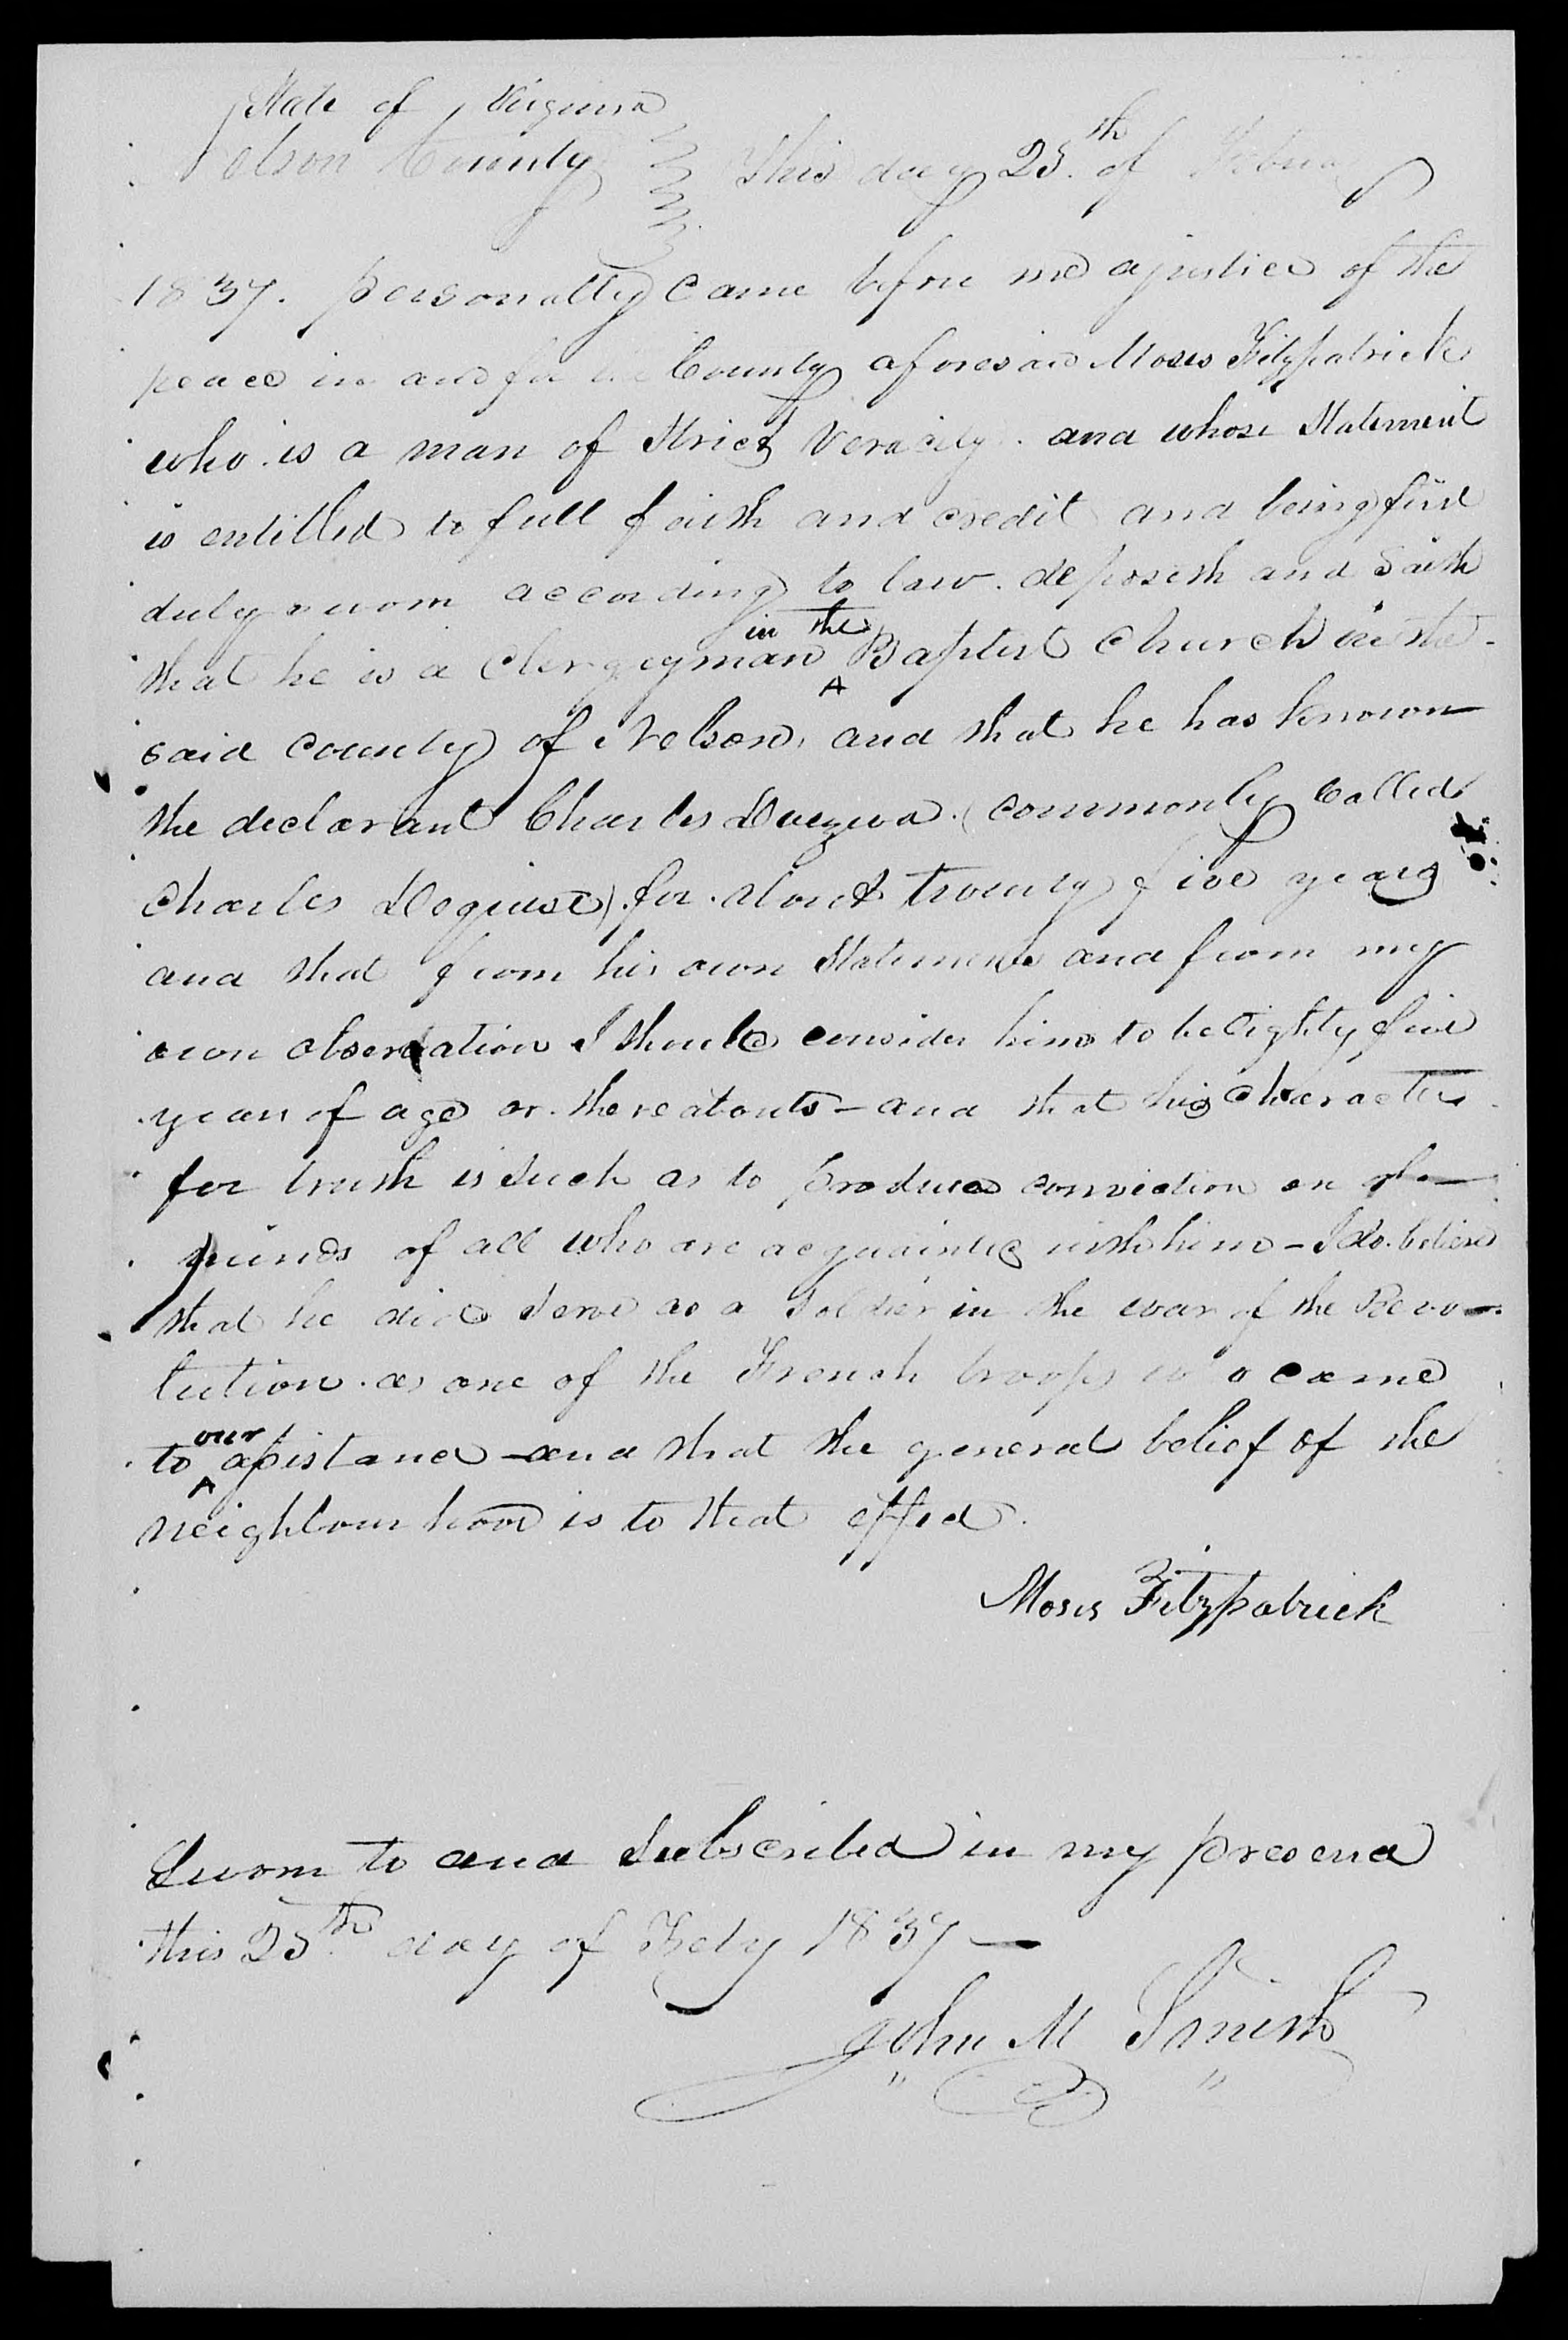State of Virginia
Nelson County

This day 28th of February 1837 personally came before me a justice of the peace in and for in County aforesaid Moses Fitzpatrick who is a man of strict veracity and whose statement is entitled to full faith and credit and being first duly sworn according to law deposeth and saith
that he is a clergyman in the Baptist Church in the said County of Nelson, and that he has known the declarant Charles Duzua (commonly Called Charles Dequise), for about twenty five years and that from his own statements and from my own observation I should consider him to be eighty five years of age or thereabouts and that his character for truth is such as to produce conviction on minds of all who are acquainted with him.  I do believe that he did serve as a soldier in the war of the Revolution as one of the French troops who came to our assistance and that the general belief of the neighbourhood is to that effect.

Moses Fitzpatrick

Sworn to and subscribed in my presence this 25th day of Feby 1837-
John M Smith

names: Moses Fitzpatrick, Charles Doquise, Moses Fitzpatrick, John M Smith, Charles Duezwa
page: 15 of 21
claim: rejected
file: R. 2,896, Charles Duzua, French